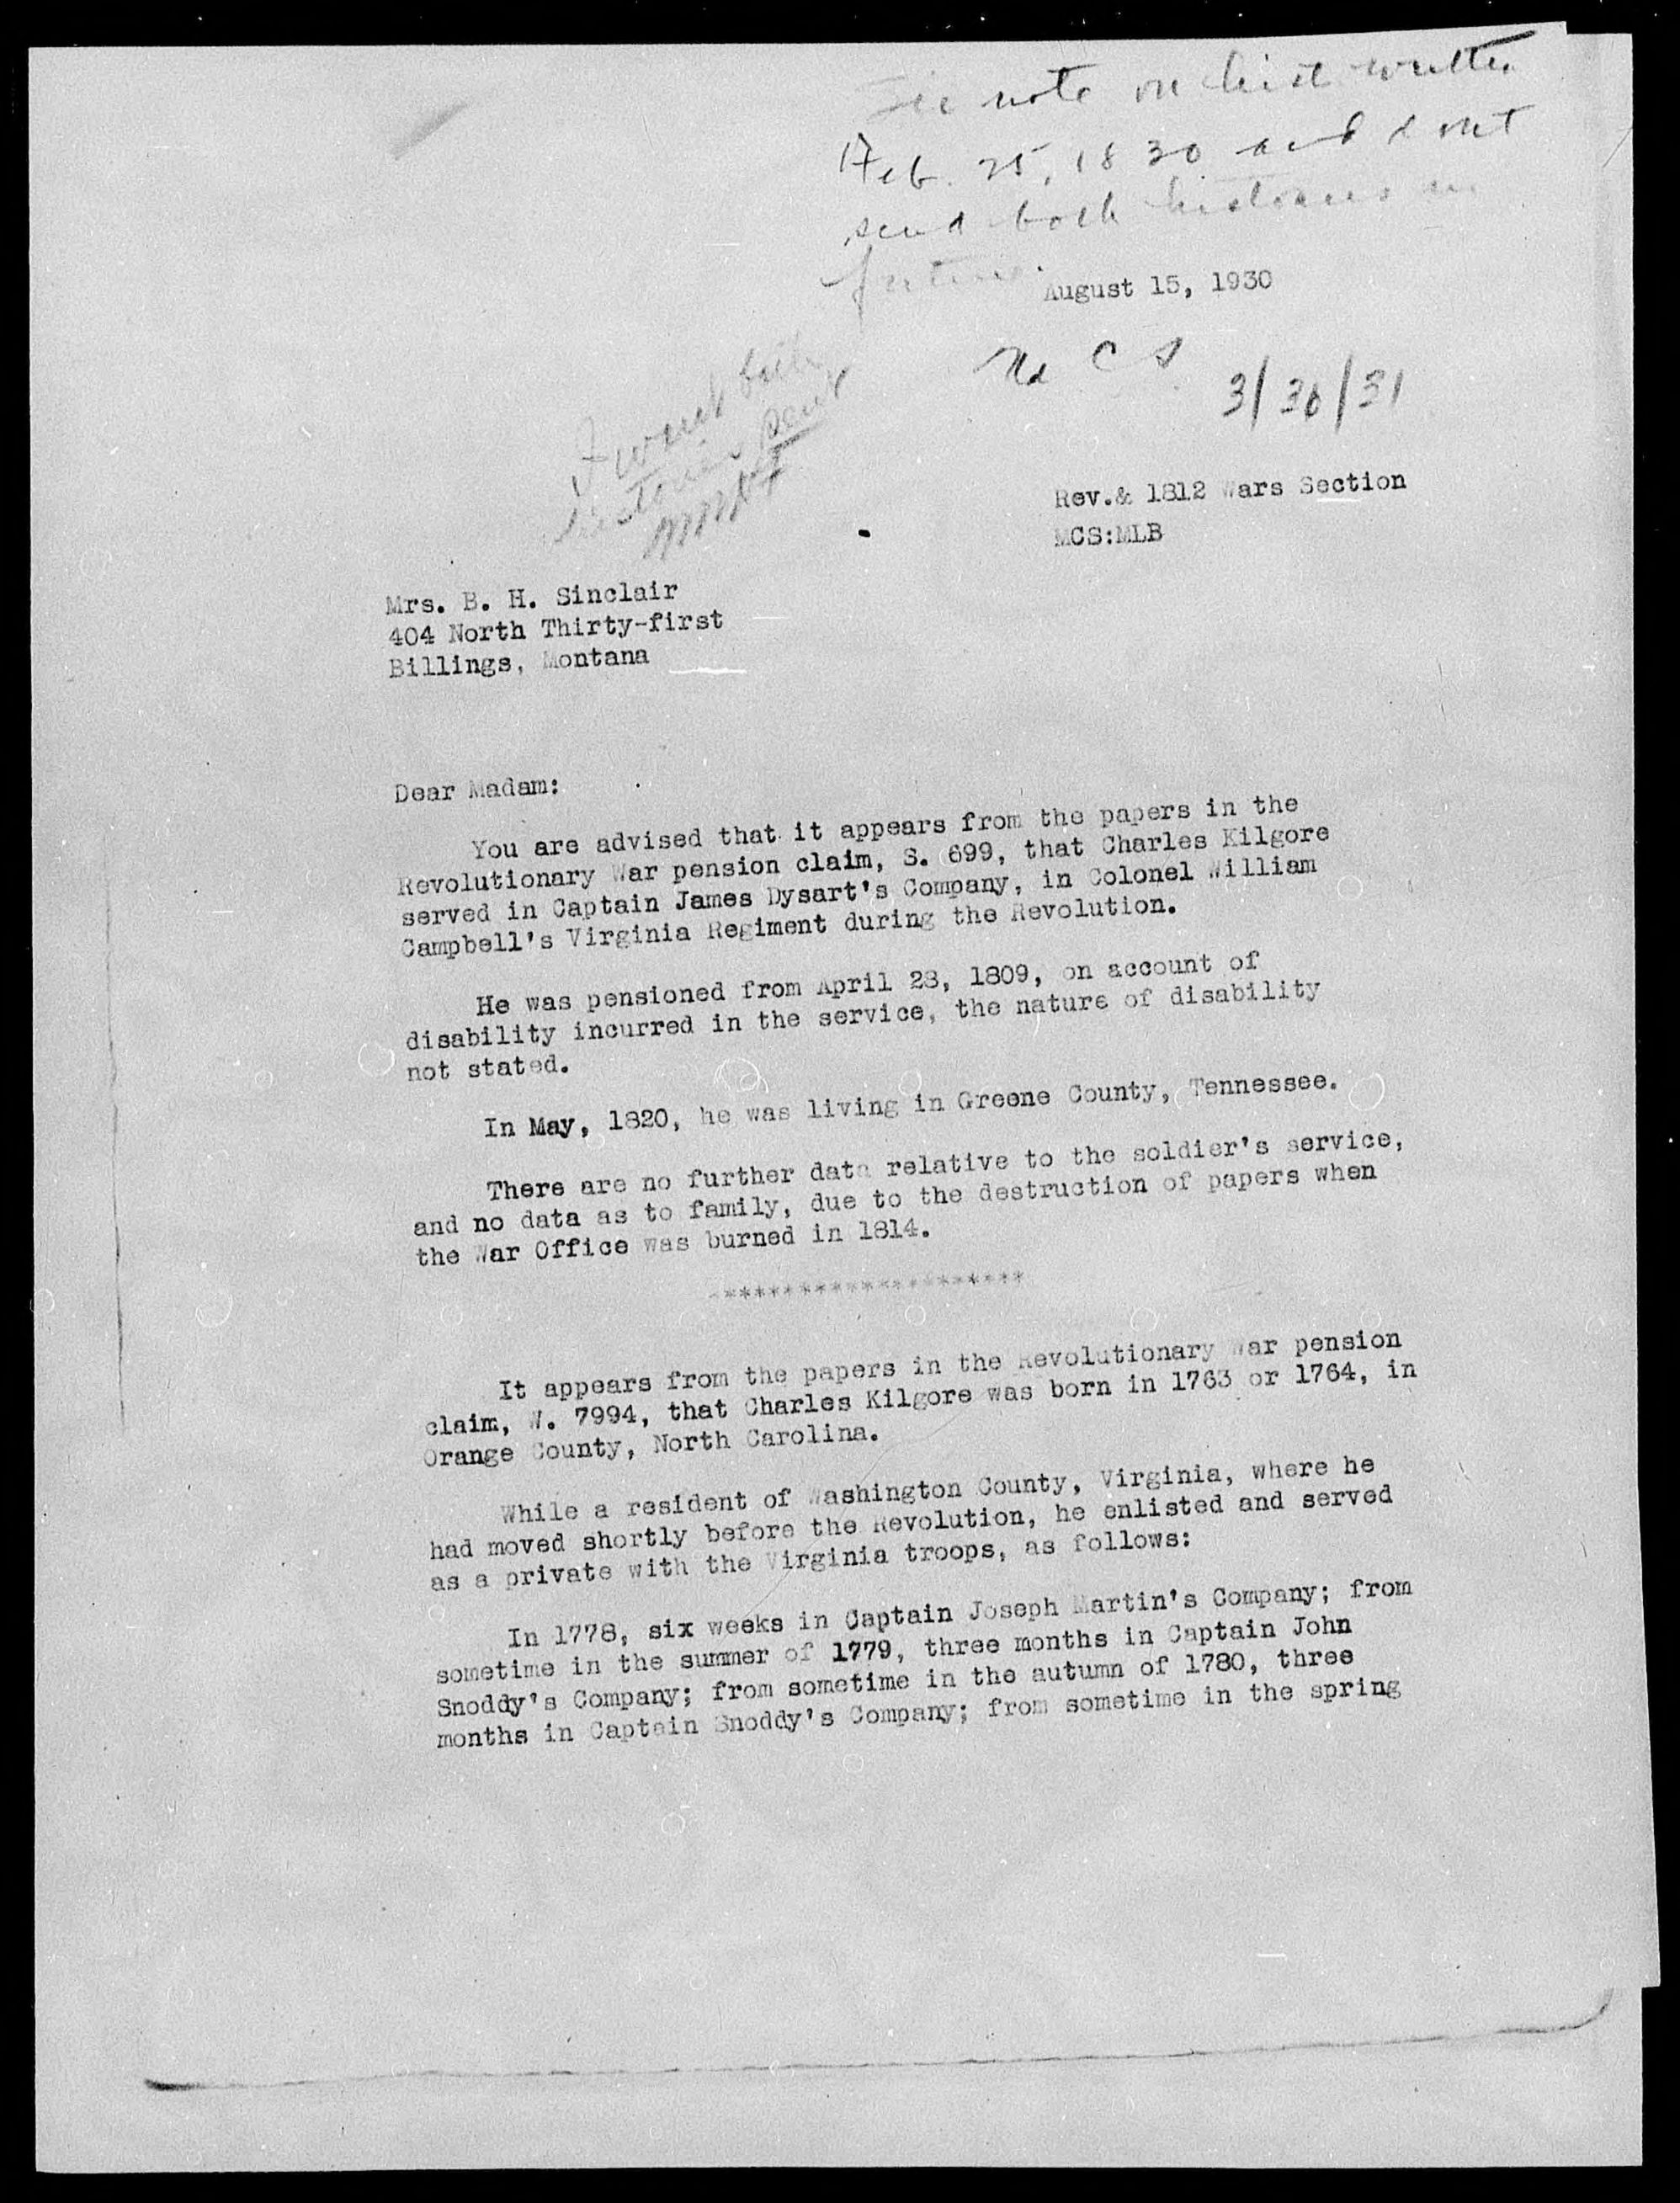[the following are two handwritten notes]
See note on hist written Feb. 25, 1830 and dont send both histories in future. MCS 3/30/31
I want both histories sent MMNF

August 15, 1930
Rev.& 1812 Wars Section
MCS: MLB

Mrs. B. H. Sinclair
404 North Thirty-first
Billings, Montana

Dear Madam:
You are advised that it appears from the papers in the Revolutionary War pension claim, S. 699, that Charles Kilgore served in Captain James Dysart's Company, in Colonel William Campbell's Virginia Regiment during the Revolution.
He was pensioned from April 28, 1809, on account of disability incurred in the service, the nature of disability not stated.
In May, 1820, he was living in Greene County, Tennessee.
There are no further data relative to the soldier's service, and no data as to family, due to the destruction of papers when the War Office was burned in 1814.
**********
It appears from the papers in the Revolutionary War pension claim, W. 7994, that Charles Kilgore was born in 1763 or 1764, in Orange County, North Carolina.
While a resident of Washington County, Virginia, where he had moved shortly before the Revolution, he enlisted and served as a private with the Virginia troops, as follows:
In 1779, six weeks in Captain Joseph Martin's Company; from sometime in the summer of 1779, three months in Captain John Snoddy's Company; from sometime in the autumn of 1780, three months in Captain Snoddy's Company; from sometime in the spring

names: B H Sinclair; Charles Kilgore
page: 24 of 115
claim: survivor's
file: S. 699, for Charles Kilgore, Virginia